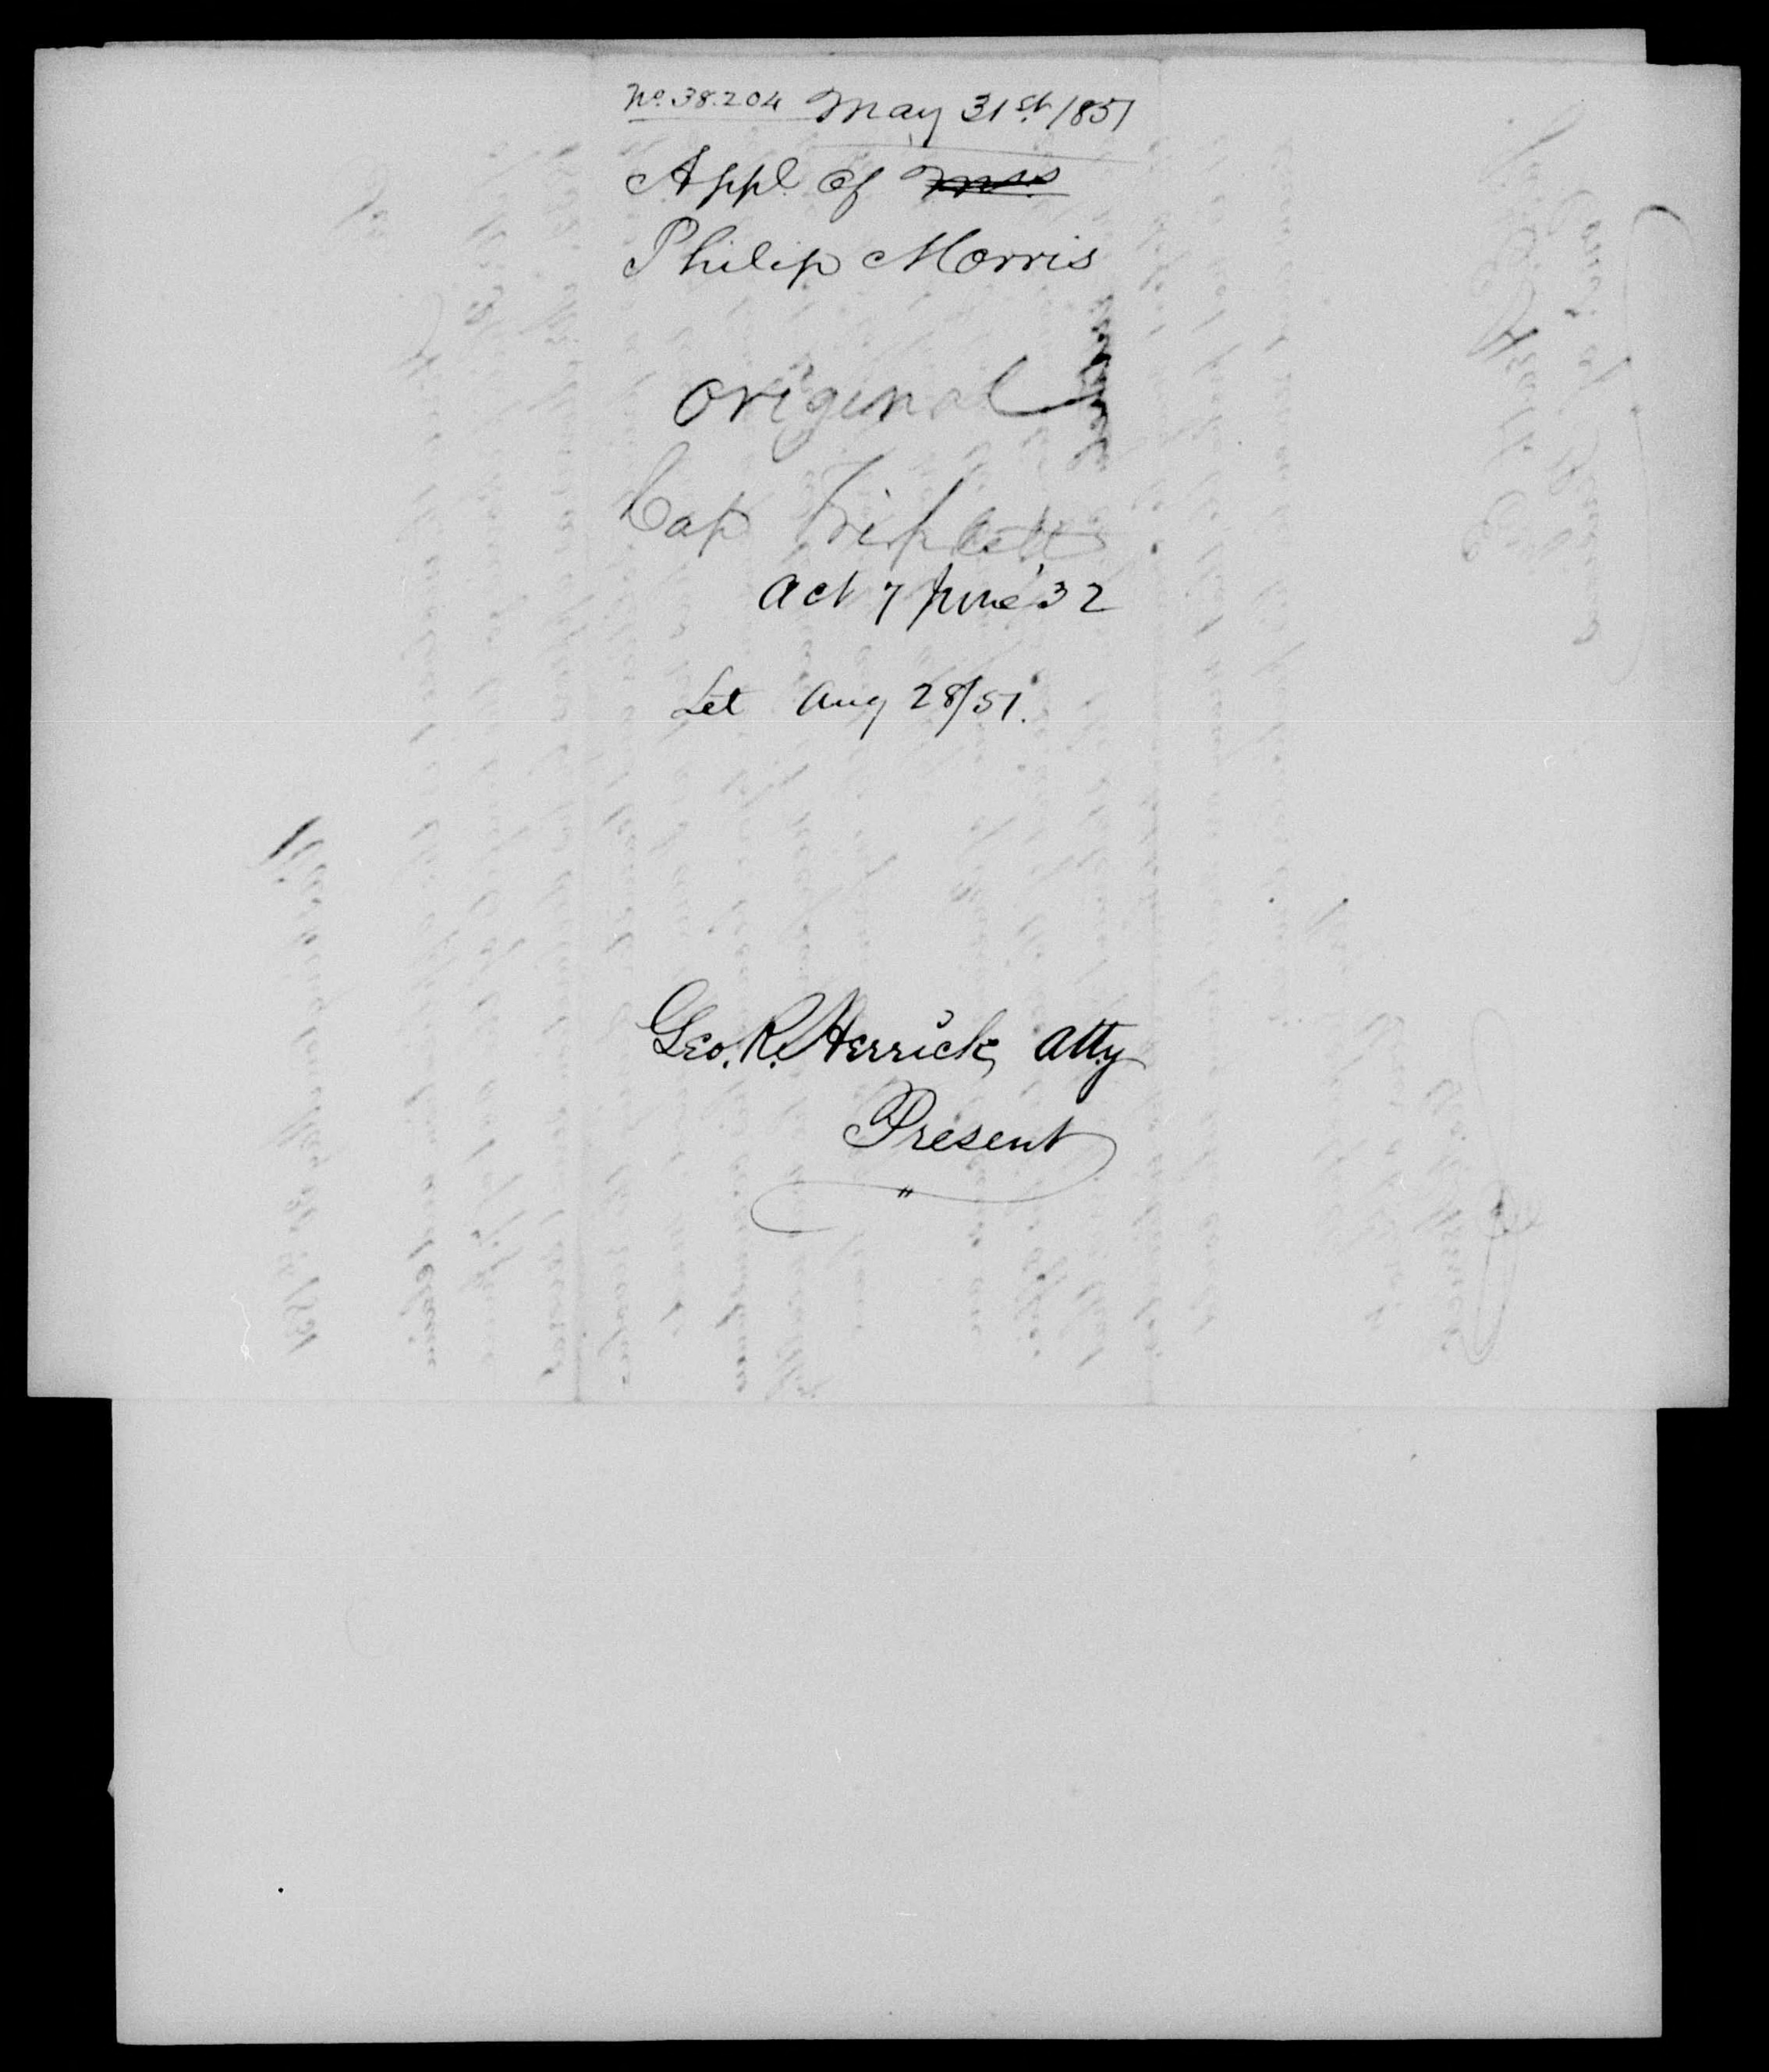No. 38.204 May 31st 1857
App. of [struck through] Mrs. [struck]
Philip Morris

original

Cap Triplett's
Act 7 June '32

Set Aug 28 / 57.

Geo. R. Herrick atty
Present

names: [BLANK] Triplett; Geo R Herrick; Philip Morris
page: 34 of 44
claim: survivor's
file: S. 28,815, for Philip Morris, Rhode Island